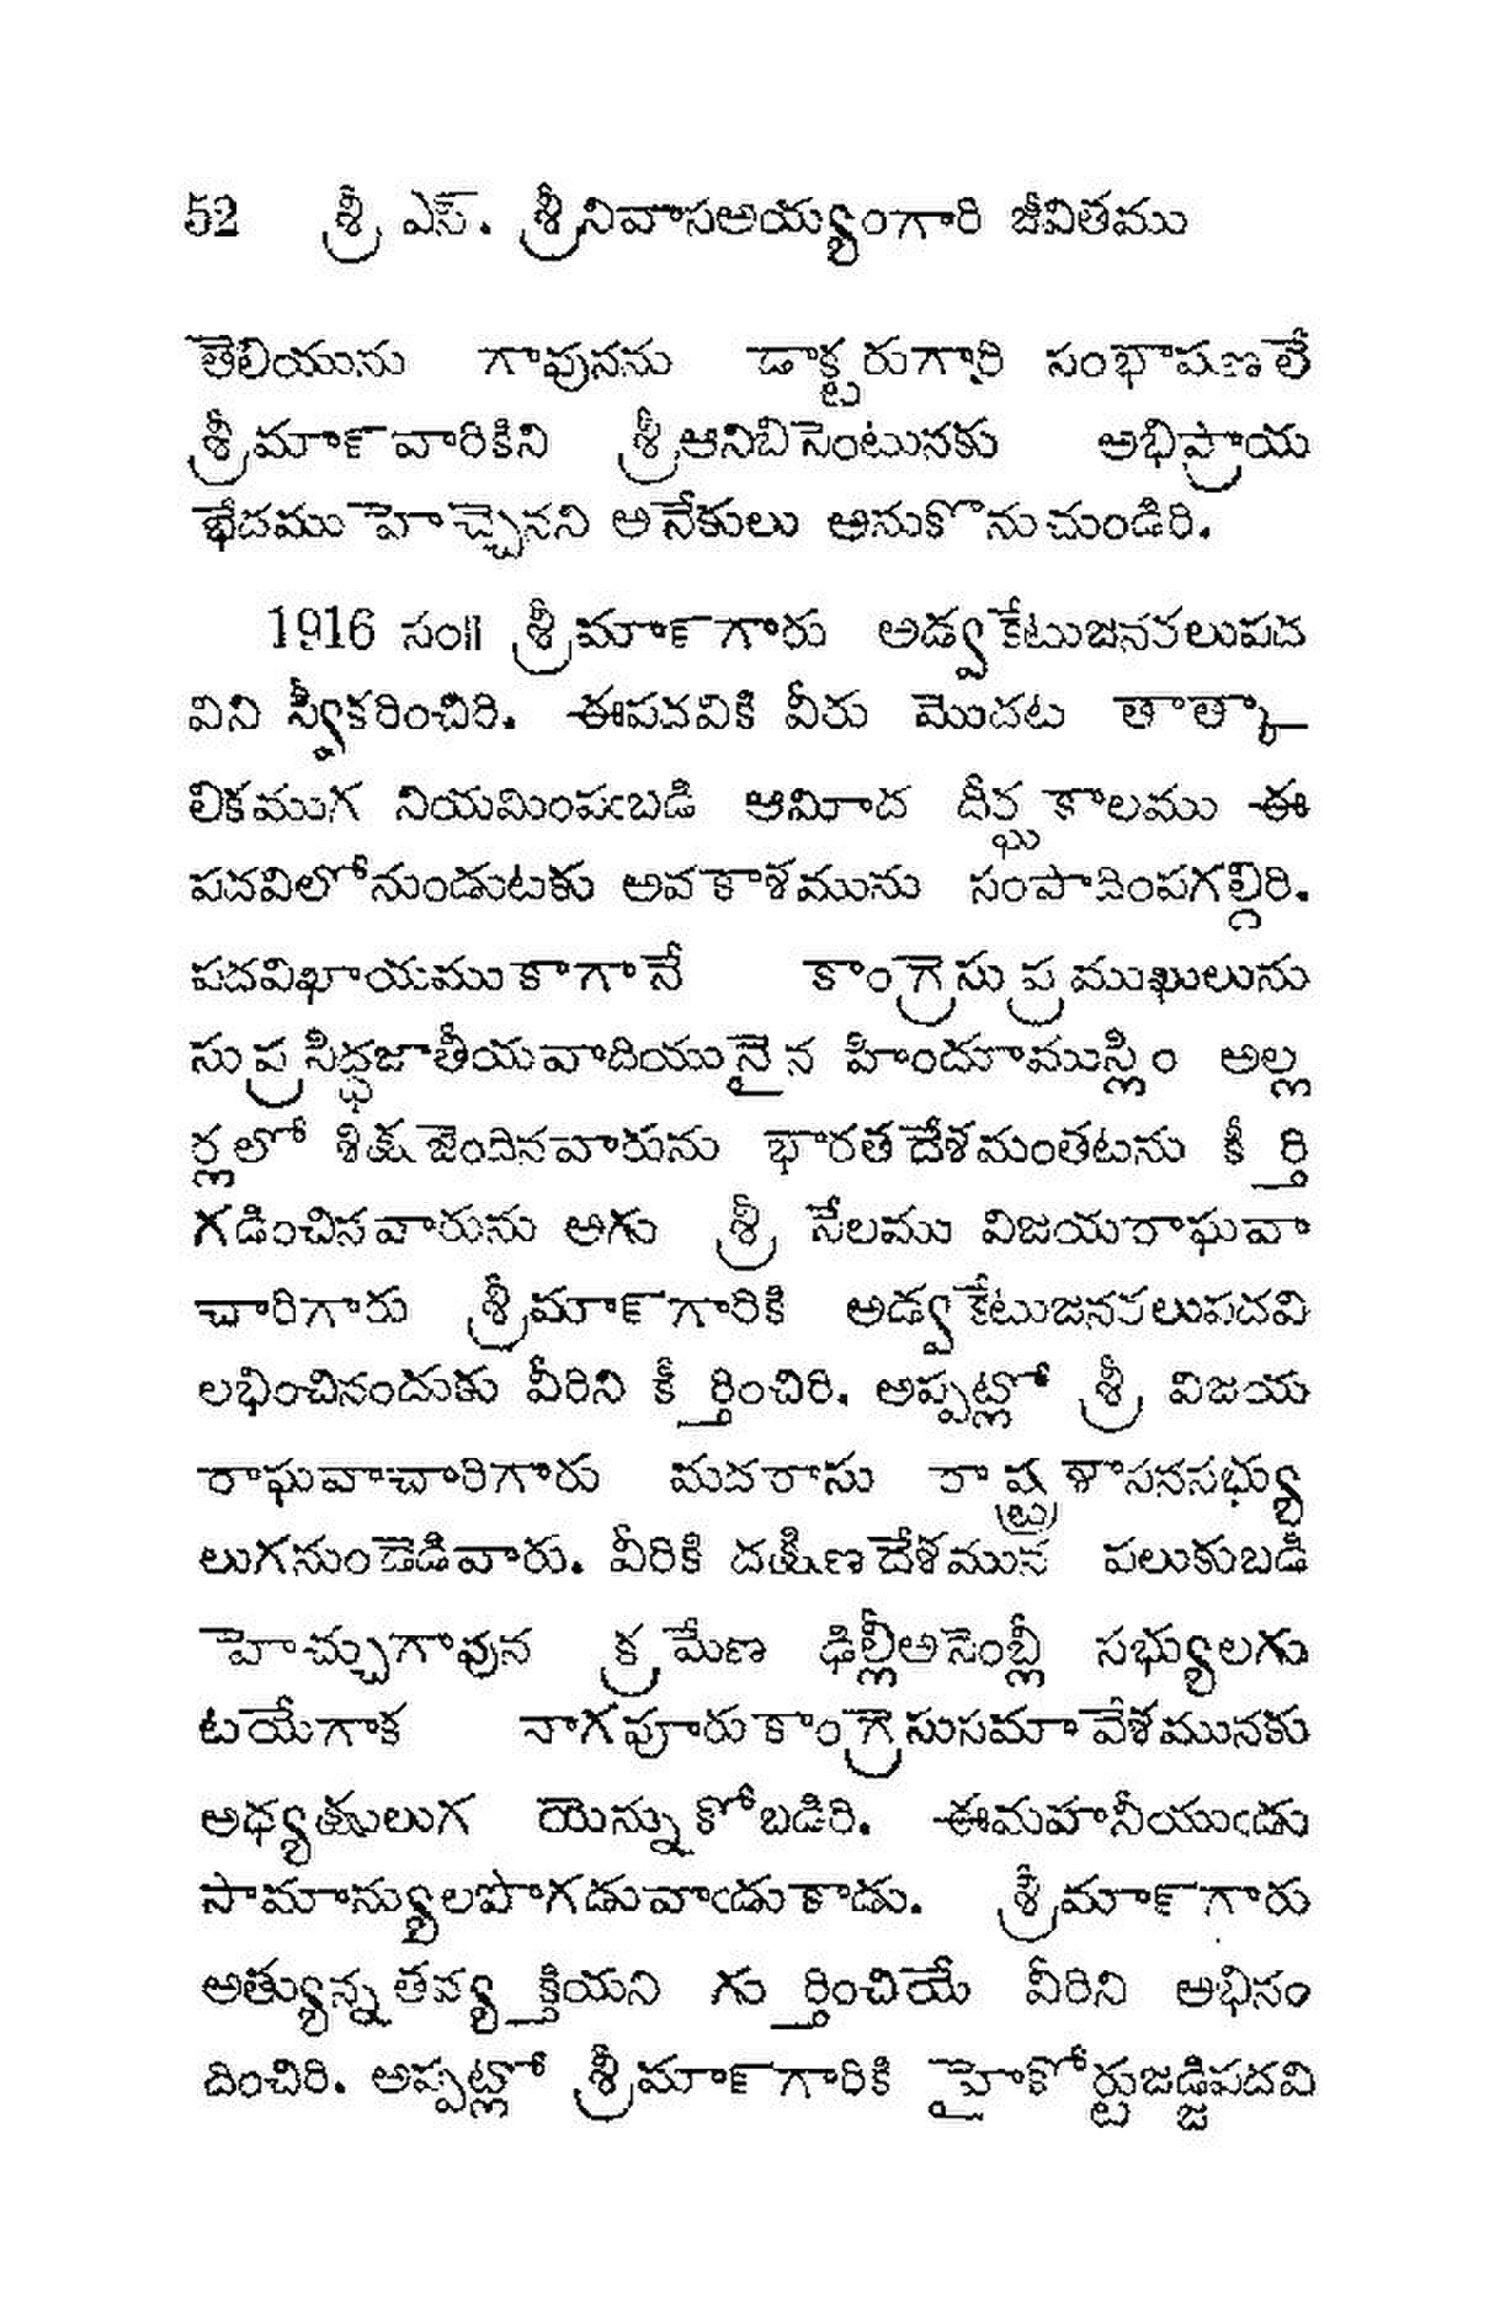తెలియును గావునను డాక్టరుగారి సంభాషణలే శ్రీమా౯వారికిని శ్రీఅనిబిసెంటునకు అభిప్రాయభేదము హెచ్చెనని అనేకులు అనుకొనుచుండిరి.

1916 సం|| శ్రీమా౯గారు అడ్వకేటుజనరలుపదవిని స్వీకరించిరి. ఈపదవికి వీరు మొదట తాత్కాలికముగ నియమింపబఁడి ఆమీద దీర్ఘకాలము ఈ పదవిలోనుండుటకు అవకాశమును సంపాదింపగల్గిరి. పదవిఖాయముకాగానే కాంగ్రెసుప్రముఖులును సుప్రసిద్ధజాతీయవాదియునైన హిందూముస్లిం అల్లర్లలో శిక్షజెందినవారును భారతదేశమంతటను కీర్తి గడించినవారును అగు శ్రీ సేలము విజయరాఘవాచారిగారు శ్రీమా౯గారికి అడ్వకేటుజనరలుపదవి లభించినందుకు వీరిని కీర్తించిరి. అప్పట్లో శ్రీ విజయరాఘవాచారిగారు మదరాసు రాష్ట్రశాసనసభ్యులుగ నుండెడివారు. వీరికి దక్షిణదేశమున పలుకుబడి హెచ్చుగావున క్రమేణ ఢిల్లీఅసెంబ్లీ సభ్యులగుటయేగాక నాగపూరుకాంగ్రెసుసమావేశమునకు అధ్యక్షులుగ యెన్నుకోబడిరి. ఈమహనీయుఁడు సామాన్యులపొగడువాడుకాడు. శ్రీమా౯గారు అత్యున్నతవ్యక్తియని గుర్తించియే వీరిని అభినందించిరి. అప్పట్లో శ్రీమా౯గారికి హైకోర్టుజడ్జిపదవి